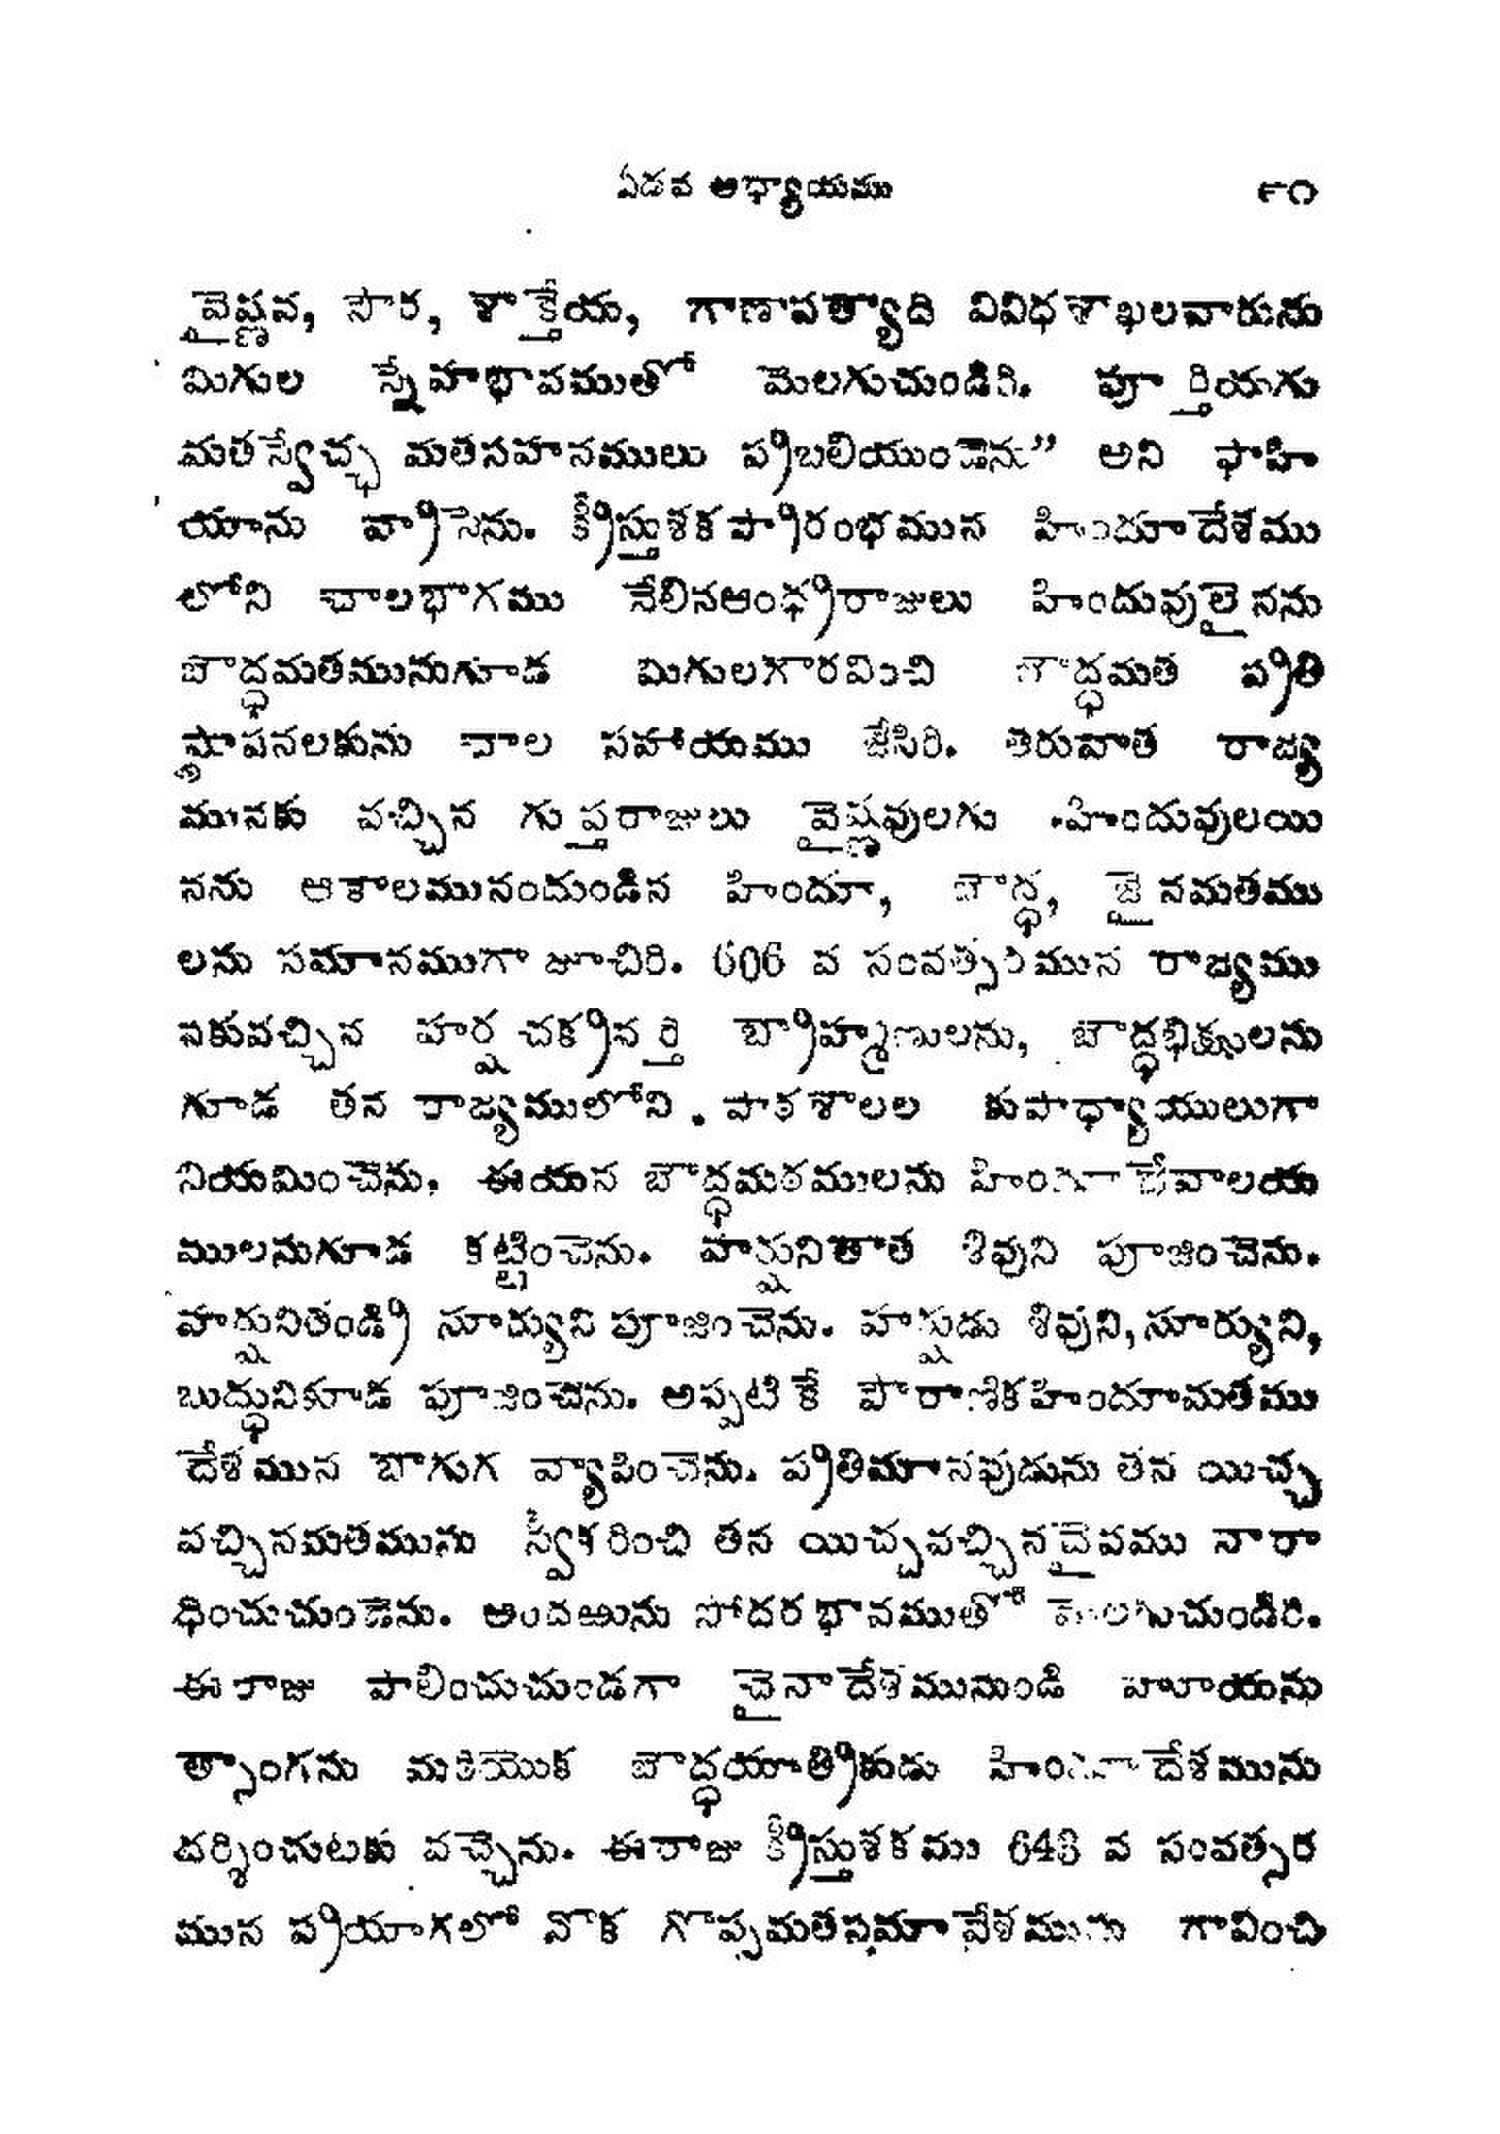వైష్ణన, సౌర, శాక్తేయ, గాణాపత్యాది వివిధ శాఖలవారును
మిగుల స్నేహభావముతో మెలగు చుండిరి. పూర్తియగు
మత స్వేచ్ఛ మత సహనములు ప్రబలి యుండెను” అని ఫాహి
యాను వాసెను. క్రీస్తుశక పారంభమున హిందూ దేశము
లోని చాలభాగము నేలిన ఆంధ్ర రాజులు హిందువులైనను
బౌద్ధమతమును గూడ మిగుల గౌరవించి బౌద్ధమత ప్రతి
ష్టాపనలకును చాల సహాయము జేసిరి. తరువాత రాజ్య
మునకు వచ్చిన గుప్తరాజులు వైష్ణవులగు హిందువులయి
నను ఆకాలము నందుండిన హిందూ, బౌద్ధ, జైనమతము
లను సమానముగా జూచిరి. 606 వ సంవత్సరమున రాజ్యము
నకువచ్చిన హర్ష చక్రవర్తి బాహ్మణులను, బౌద్ధభిక్షులను
గూడ తన రాజ్యములోని , పాఠశాలల కుపాధ్యాయులుగా
నియమించెను, ఈయన బౌద్ధమఠములను హిందూ దేవాలయ
ములనుగూడ కట్టించెను. హర్షుని తాత శివుని పూజించెను.
హర్షుని తండి సూర్యుని పూజించెను. హర్షుడు శివుని, సూర్యుని,
బుద్ధునికూడ పూజించెను. అప్పటికే పౌరాణిక హిందూమతము
దేశమున బాగుగ వ్యాపించెను. ప్రతి మానవుడును తన యిచ్చ
వచ్చిన మతమును స్వీకరించి తన యిచ్చవచ్చిన దైవము నారా
ధించు చుండెను. అందఱును సోదర భావముతో మెలగు చుండిరి.
ఈ రాజు పాలించుచుండగా చైనాదేశమునుండి హూయను
త్సాంగసు మరియొక బౌద్ధయాత్రికుడు. హిందూదేశమును
దర్శించుటకు వచ్చెను. ఈ రాజు క్రీస్తుశకము 643 వ సంవత్సర
మున ప్రయాగలో వొక గొప్పమత సమా వేశము గావించి